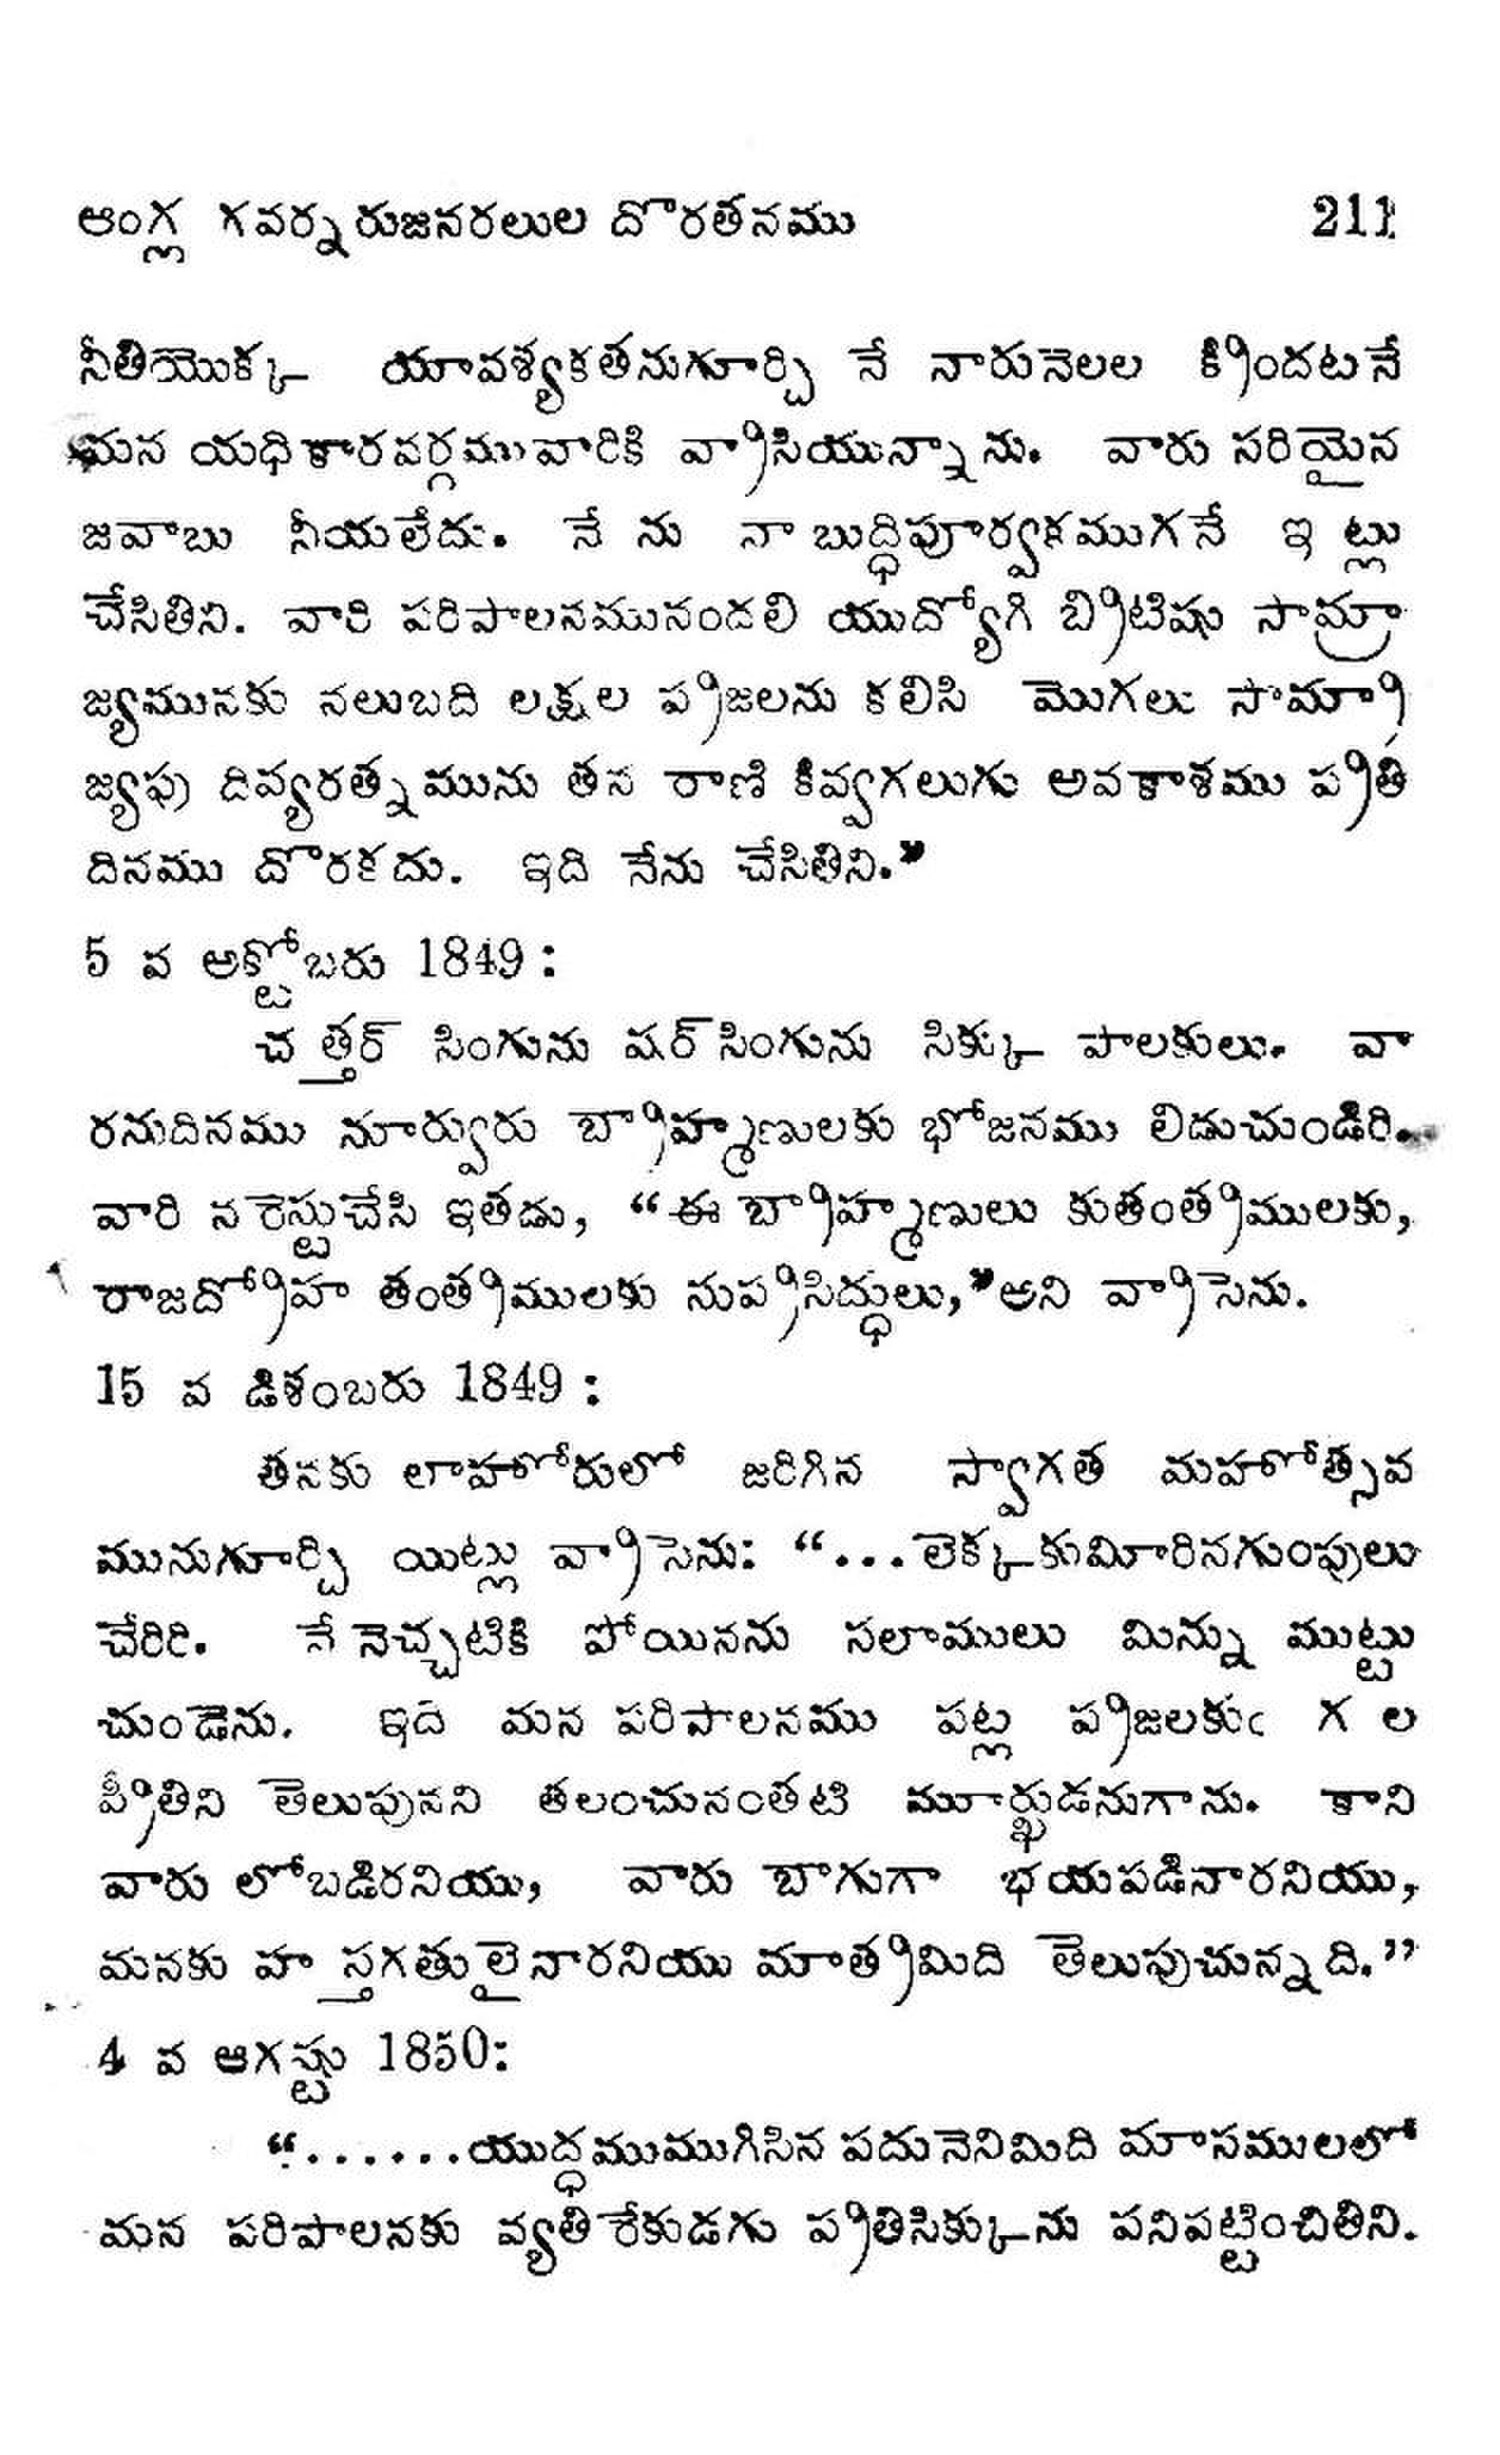నీతియొక్క యావశ్యకతనుగూర్చి నే నారునెలల క్రిందటనే మన యధికారవర్గమువారికి వ్రాసియున్నాను. వారు సరియైన జవాబు నీయలేదు. నేను నా బుద్ధిపూర్వకముగనే ఇట్లు చేసితిని. వారి పరిపాలసమునందలి యుద్యోగి బ్రిటిషు సామ్రాజ్యమునకు నలుబది లక్షల ప్రజలను కలిసి మొగలు సామ్రాజ్యపు దివ్యరత్నమును తన రాణి కివ్వగలుగు అవకాశము ప్రతి దినము దొరకదు. ఇది నేను చేసితిని." 

5 వ అక్టోబరు 1849:

చత్తర్ సింగును షర్‌సింగును సిక్కు పాలకులు. వా రనుదినము నూర్వురు బాహ్మణులకు భోజనము లిడుచుండిరి..
వారి నరెస్టుచేసి ఇతడు , " ఈ బాహ్మణులు కుతంత్రములకు, రాజద్రోహ తంత్రములకు సుప్రసిద్ధులు,” అని వ్రాసెను. 

15 వ డిశంబరు 1849 :

తనకు లాహోరులో జరిగిన స్వాగత మహోత్సవమునుగూర్చి యిట్లు వ్రాసెను: “ ... లెక్కకుమీరినగుంపులు చేరిరి. నేనెచ్చటికి పోయినను సలాములు మిన్ను ముట్టుచుండెను. ఇది మన పరిపాలసము పట్ల ప్రజలకుఁ గల ప్రీతిని తెలుపునని తలంచునంతటి మూర్ఖుడనుగాను. కాని వారు లోబడిరనియు, వారు బాగుగా భయపడినారనియు, మనకు హస్తగతులైనారనియు మాత్రమిది తెలుపుచున్నది.” 

4 వ ఆగష్టు 1850:

"......యుద్దముముగిసిన పదునెనిమిది మాసములలో మన పరిపాలనకు వ్యతిరేకుడగు ప్రతిసిక్కును పనిపట్టించితిని.